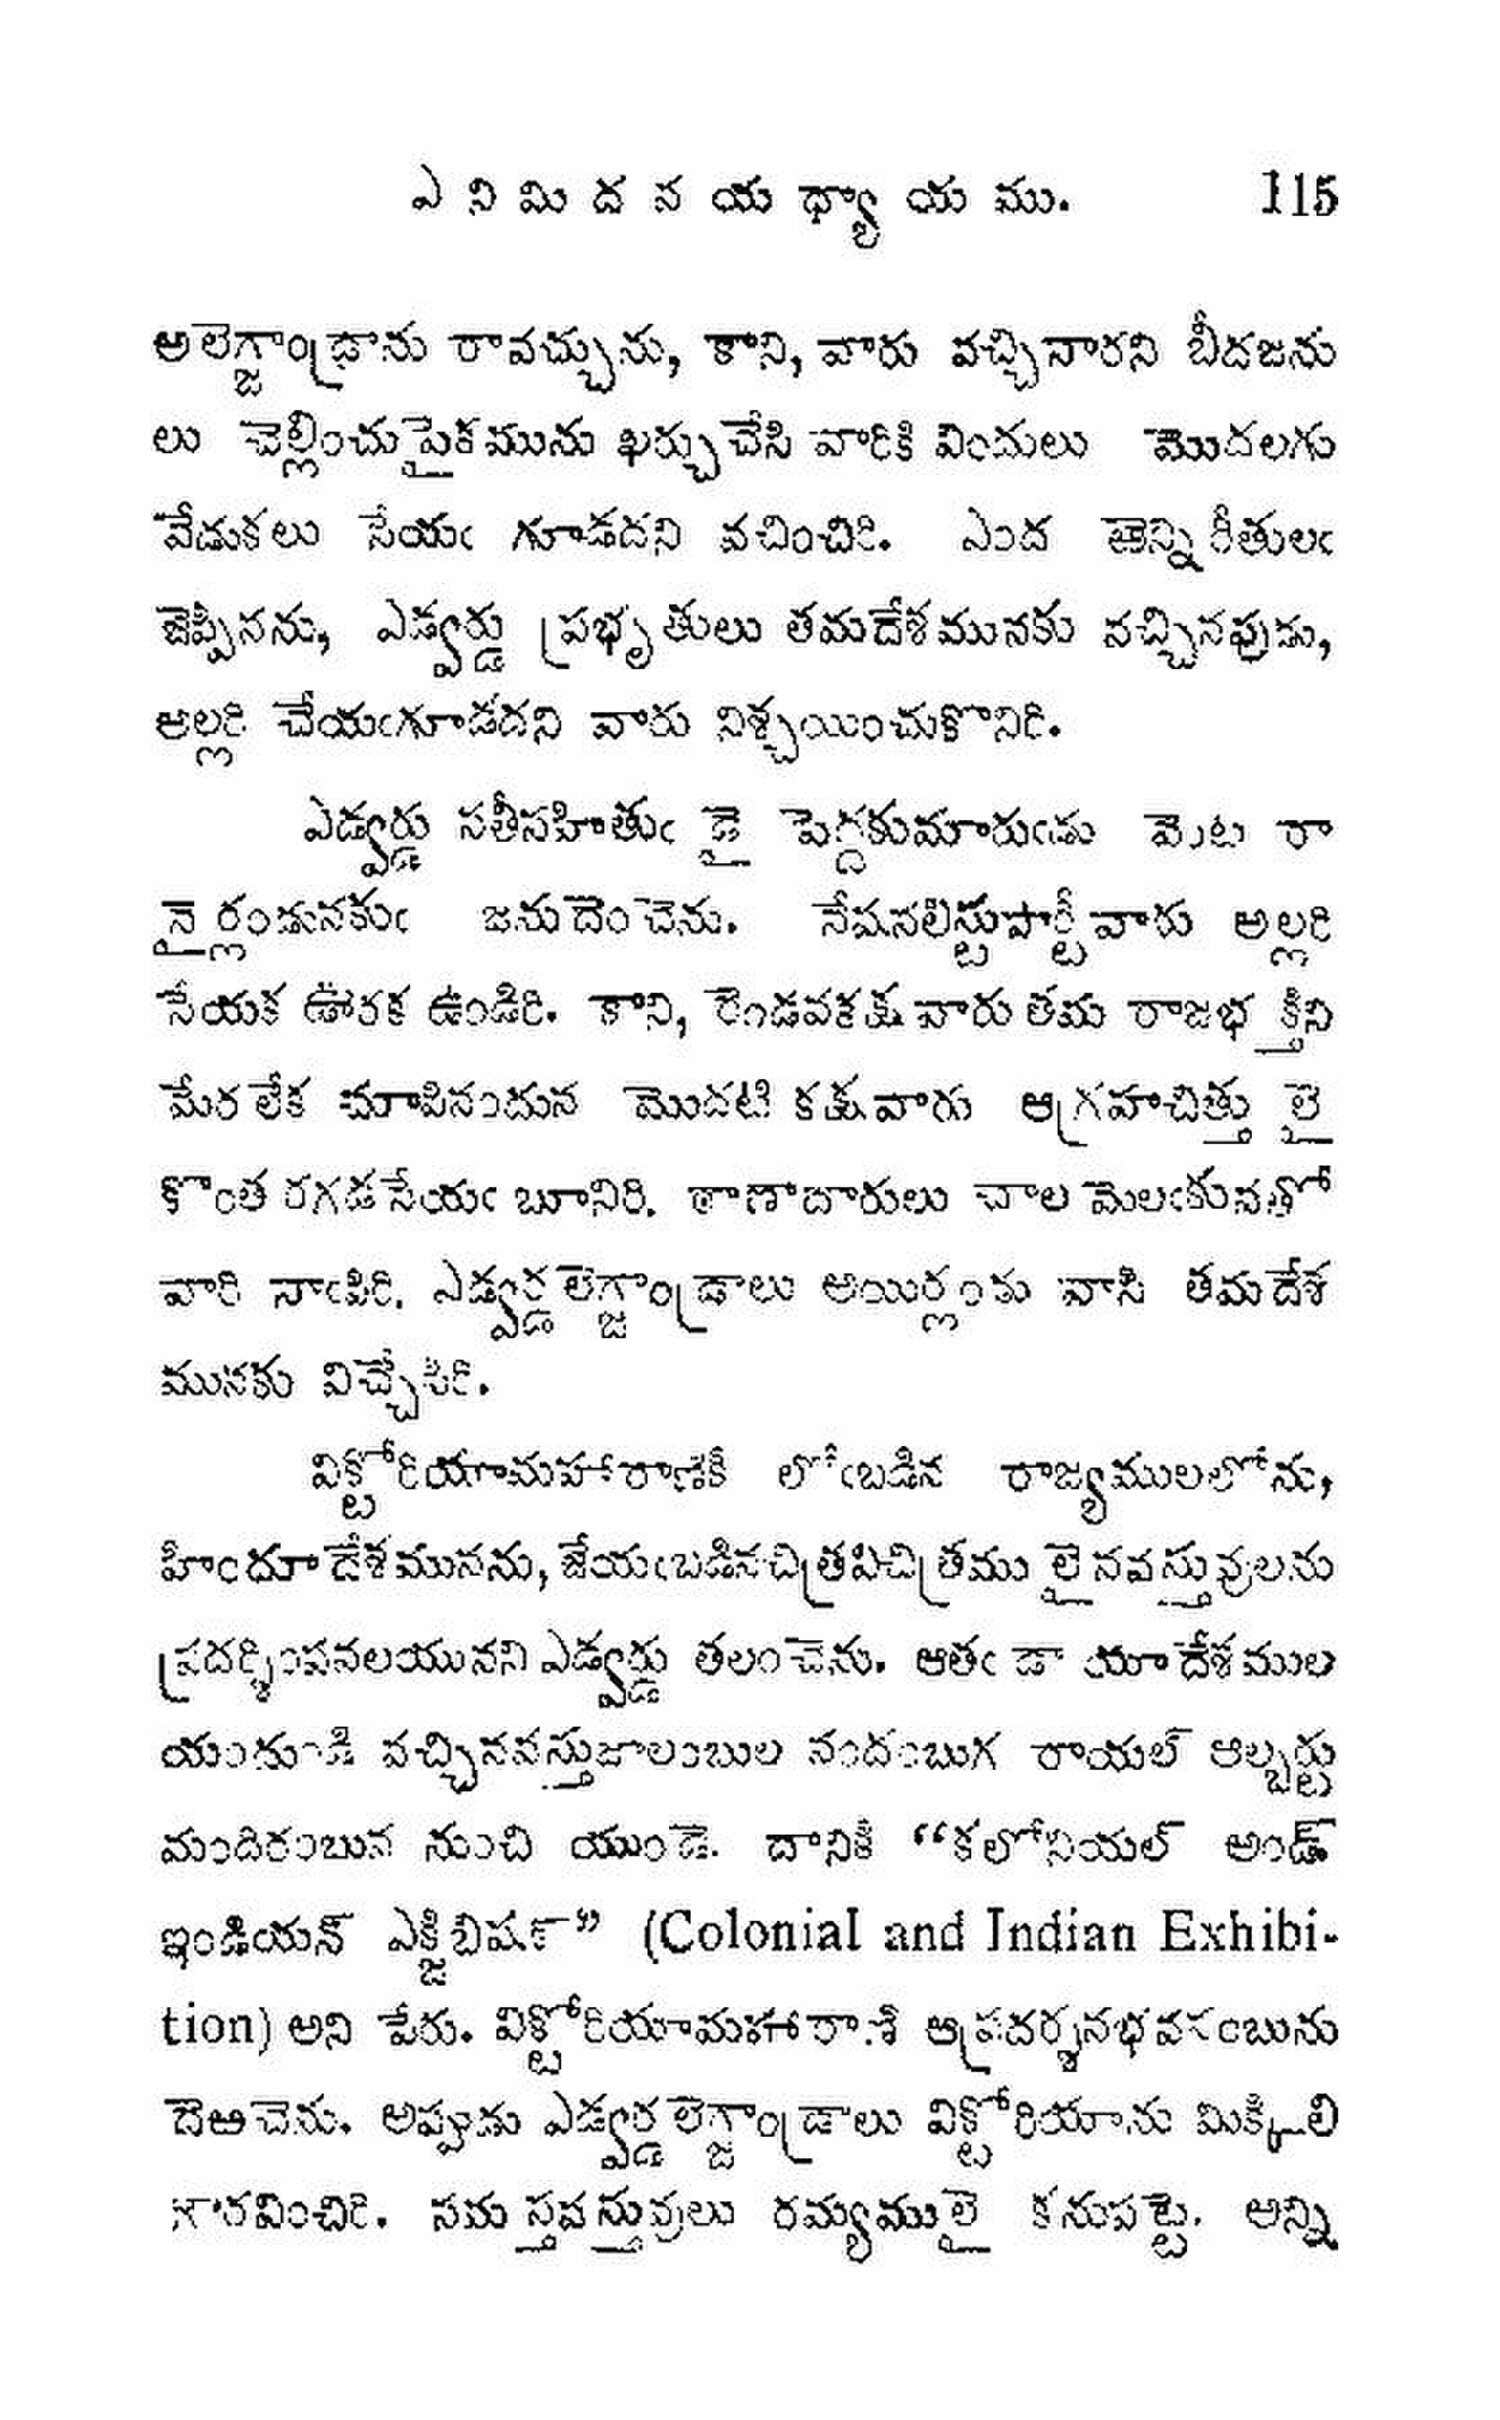అలెగ్జాండ్రోను రావచ్చును, కాని, వారు వచ్చినారని బీదజను లు చెల్లించు పైకమును ఖర్చు చేసి వారికి విందులు మొదలగు "వేడుకలు సేయఁ గూడదని వచించి. ఎంద రెన్ని రీతులం జెప్పినను, ఎడ్వర్డు ప్రభృతులు తమదేశమునకు నచ్చినప్పుడు, అల్లరి చేయఁగూడదని వారు నిశ్చయించుకొనిరి. ఎడ్వర్డు సతీసహితుఁ డై పెద్దకుమారుఁడు వెంట రా నైర్లండునకుఁ జను దెంచెను. నేషనలిస్టు పార్టీ వారు అల్లరి సేయక ఊరక ఉండిరి. కాని, రెండవ పక్షము వారు తమ రాజభ క్తిని మేర లేక చూపినందున మొదటి కక్ష వారు ఆగ్రహచిత్తు లై కొంత రగడ సేయుఁ బూనిరి. ఠాణాదారులు చాల మెలకునతో వారి నాఁపిరి. ఎడ్వర్డ లెగ్జాండ్రాలు అయిర్లండును 'వాసీ తమదేశ మునకు విచ్చేసిరి.

విక్టోరియా మహా రాణికి లోబడిన రాజ్యములలోను, హిందూదేశమునను, జేయఁబడిన చిత్రవిచిత్రము లైన వస్తువులను ప్రదర్శింషనలయునని ఎడ్వర్డు తలంచెను. ఆతఁ డా యూదేశముల యందుండి వచ్చినవస్తుజాలంబుల నందంబుగ రాయల్ ఆల్బర్టు మందిరంబున నుంచి యుండె. దానికి కలోనియల్ అండ్ ఇండియన్ ఎక్షిబిషన్" (Colonial and Indian Exhibi- tion) అని పేరు. విక్టోరియామహా రాణి: అప్రదర్శన భవనంబును దెఱచెను. అప్పుడు ఎడ్వర్డ లెగ్జాండ్రాలు విక్టోరియాను మిక్కిలి గౌవించి. సమస్తవ స్తువులు రమ్యములై కనుపట్టి, అన్ని